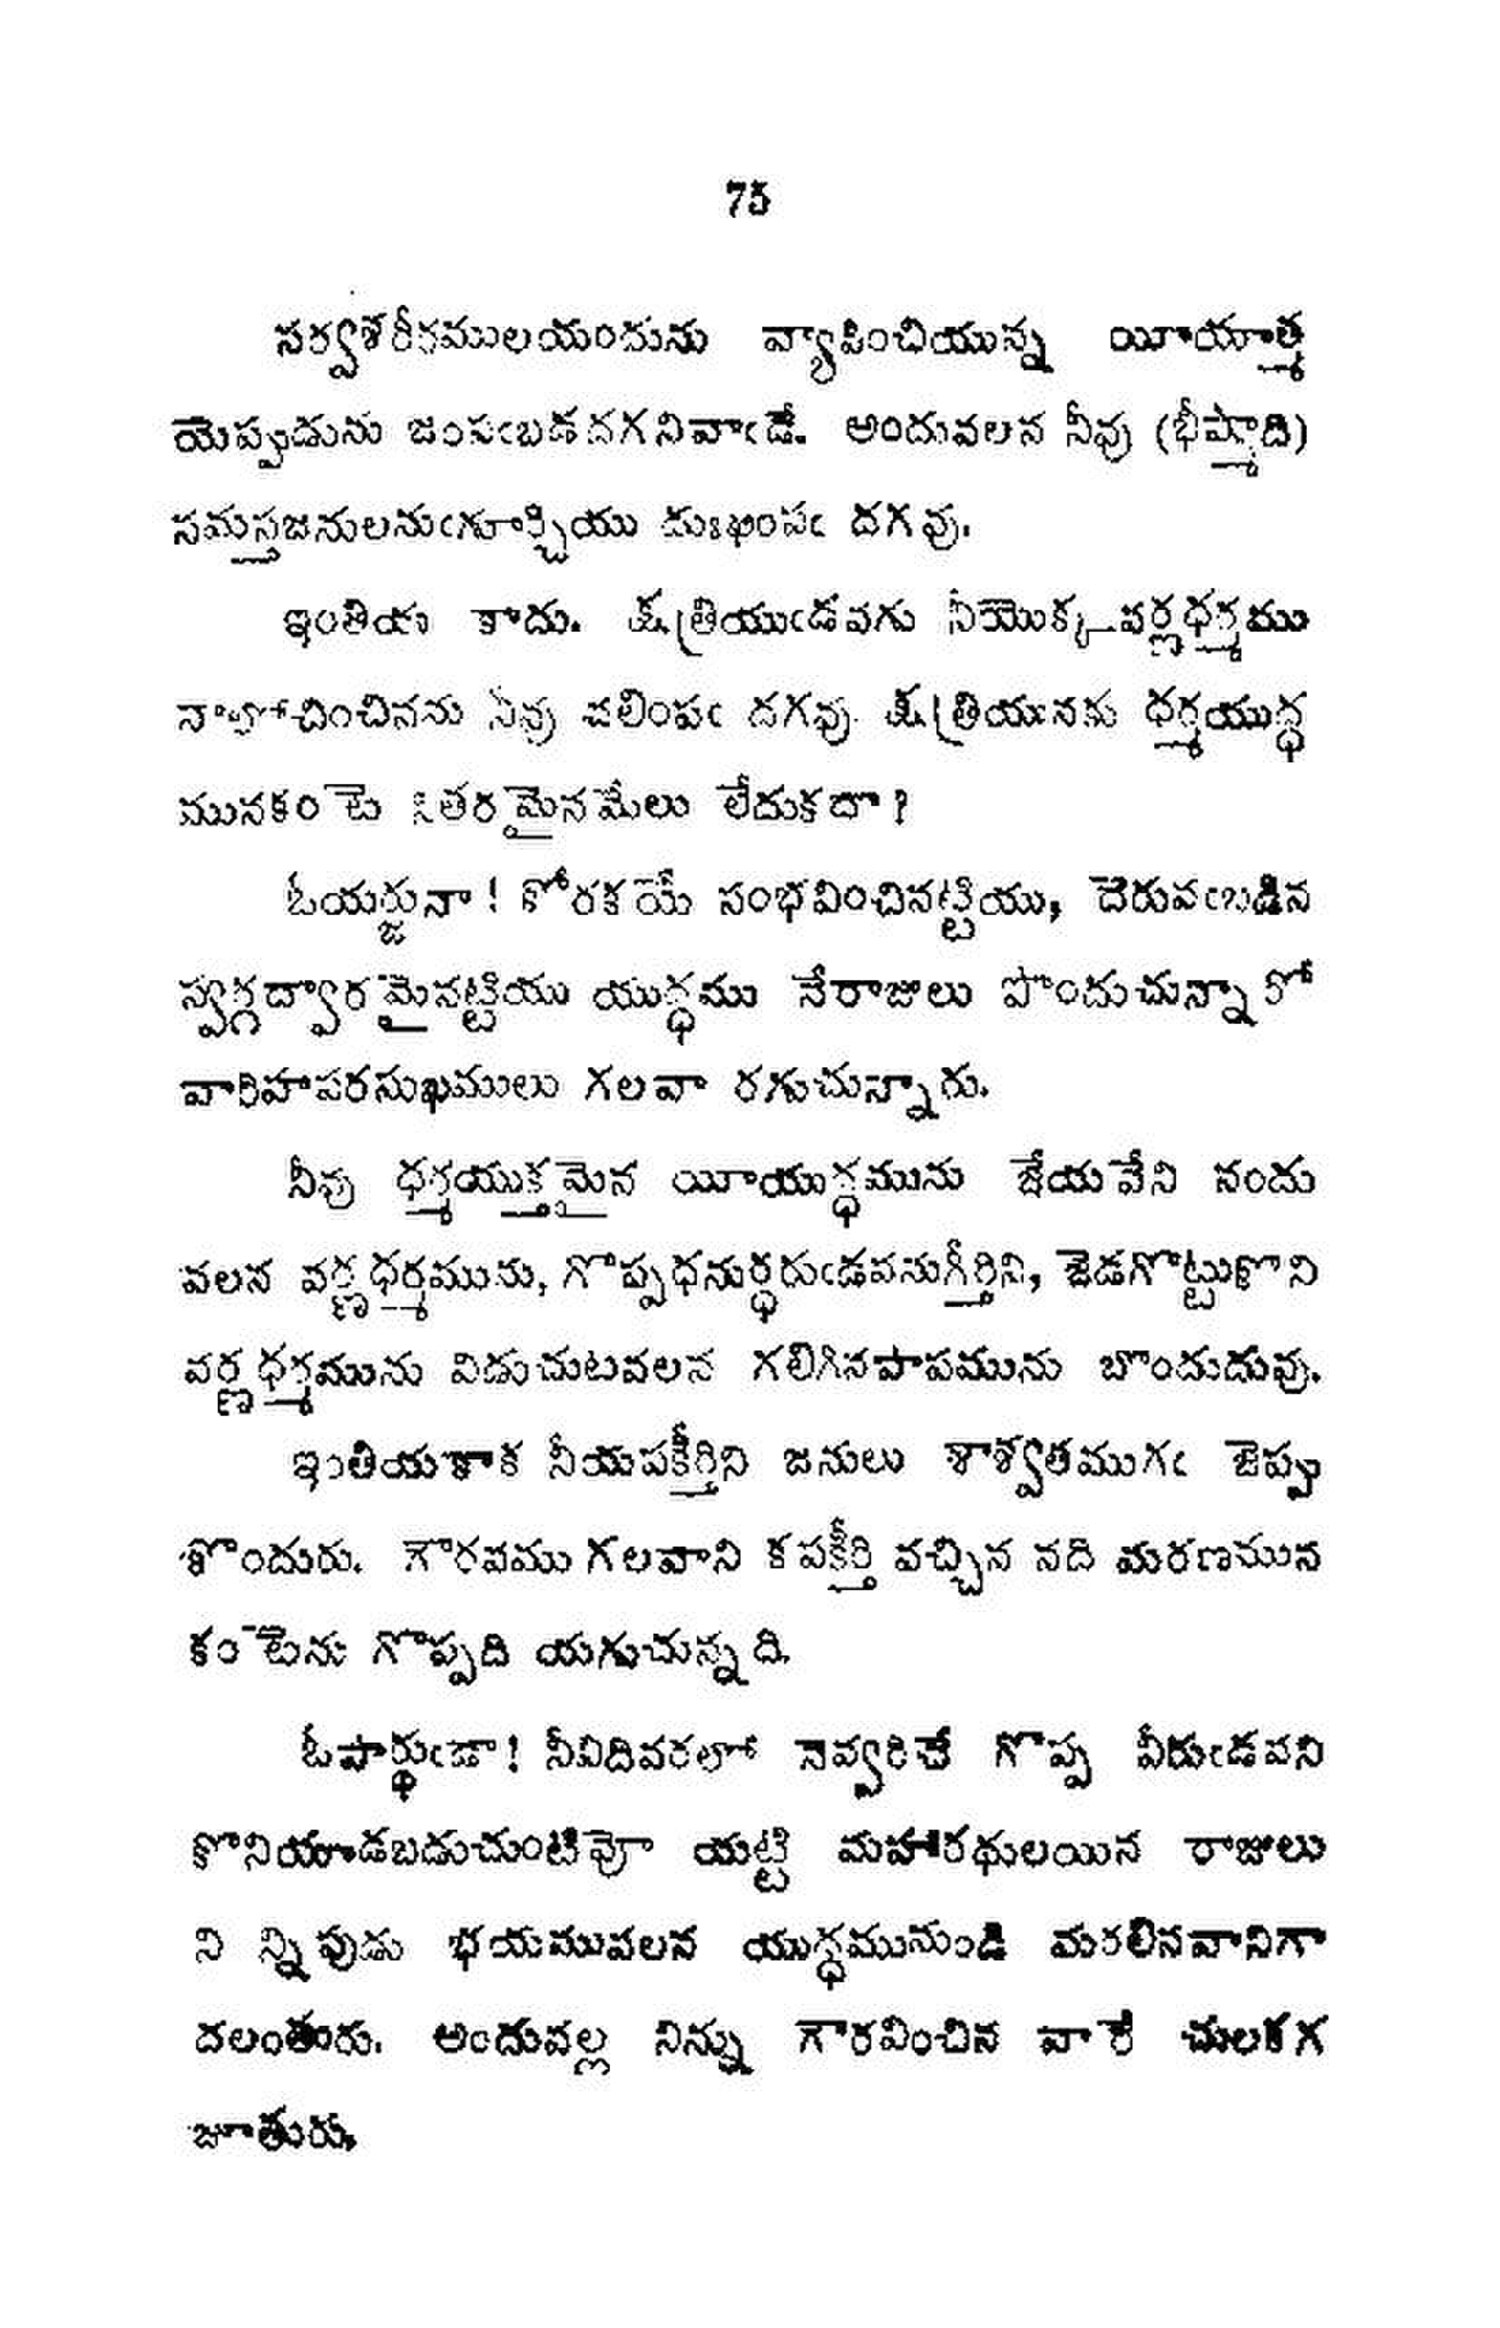సర్వశరీరములయందును వ్యాపించియున్న యీయాత్మ యెప్పుడుసు జంపఁబడదగనివాఁడే. అందువలన నీవు (భీష్మాది) సమస్తజనులనుఁగూర్చియు దుఃఖింపఁ దగవు.

ఇంతియ కాదు. క్షత్రియుఁడవగు నీయొక్క వర్ణధర్మము నాలోచించినను నీవు చలింపఁ దగవు. క్షత్రియునకు ధర్మయుద్ధమునకంటె నితరమైనమేలు లేదుకదా?

ఓయర్జునా ! కోరకయే సంభవించినట్టియు, దెరువఁబడిన స్వర్గద్వారమైనట్టియు యుద్ధము నేరాజులు పొందుచున్నారో వారిహపరసుఖములు గలవా రగుచున్నారు.

నీవు ధర్మయుక్తమైన యీయుద్ధమును జేయవేని నందువలన వర్ణధర్మమును, గొప్పధనుర్ధరుఁడ వనుగీర్తిని, జెడగొట్టుకొని వర్ణధర్మమును విడుచుటవలన గలిగిన పాపమును బొందుదువు.

ఇంతియకాక నీయపకీర్తిని జనులు శాశ్వతముగఁ జెప్పుకొందురు. గౌరవము గలవాని కపకీర్తి వచ్చిన నది మరణమున కంటెను గొప్పది యగుచున్నది.

ఓపార్థుఁడా ! నీవిదివరలో నెవ్వరిచే గొప్ప వీరుఁడవని కొనియాడబడుచుంటివో యట్టి మహారథులయిన రాజులు ని న్నిపుడు భయమువలన యుధ్ధమునుండి మరలినవానిగా దలంతంరు. అందువల్ల నిన్ను గౌరవించిన వారే చులకగ జూతురు.